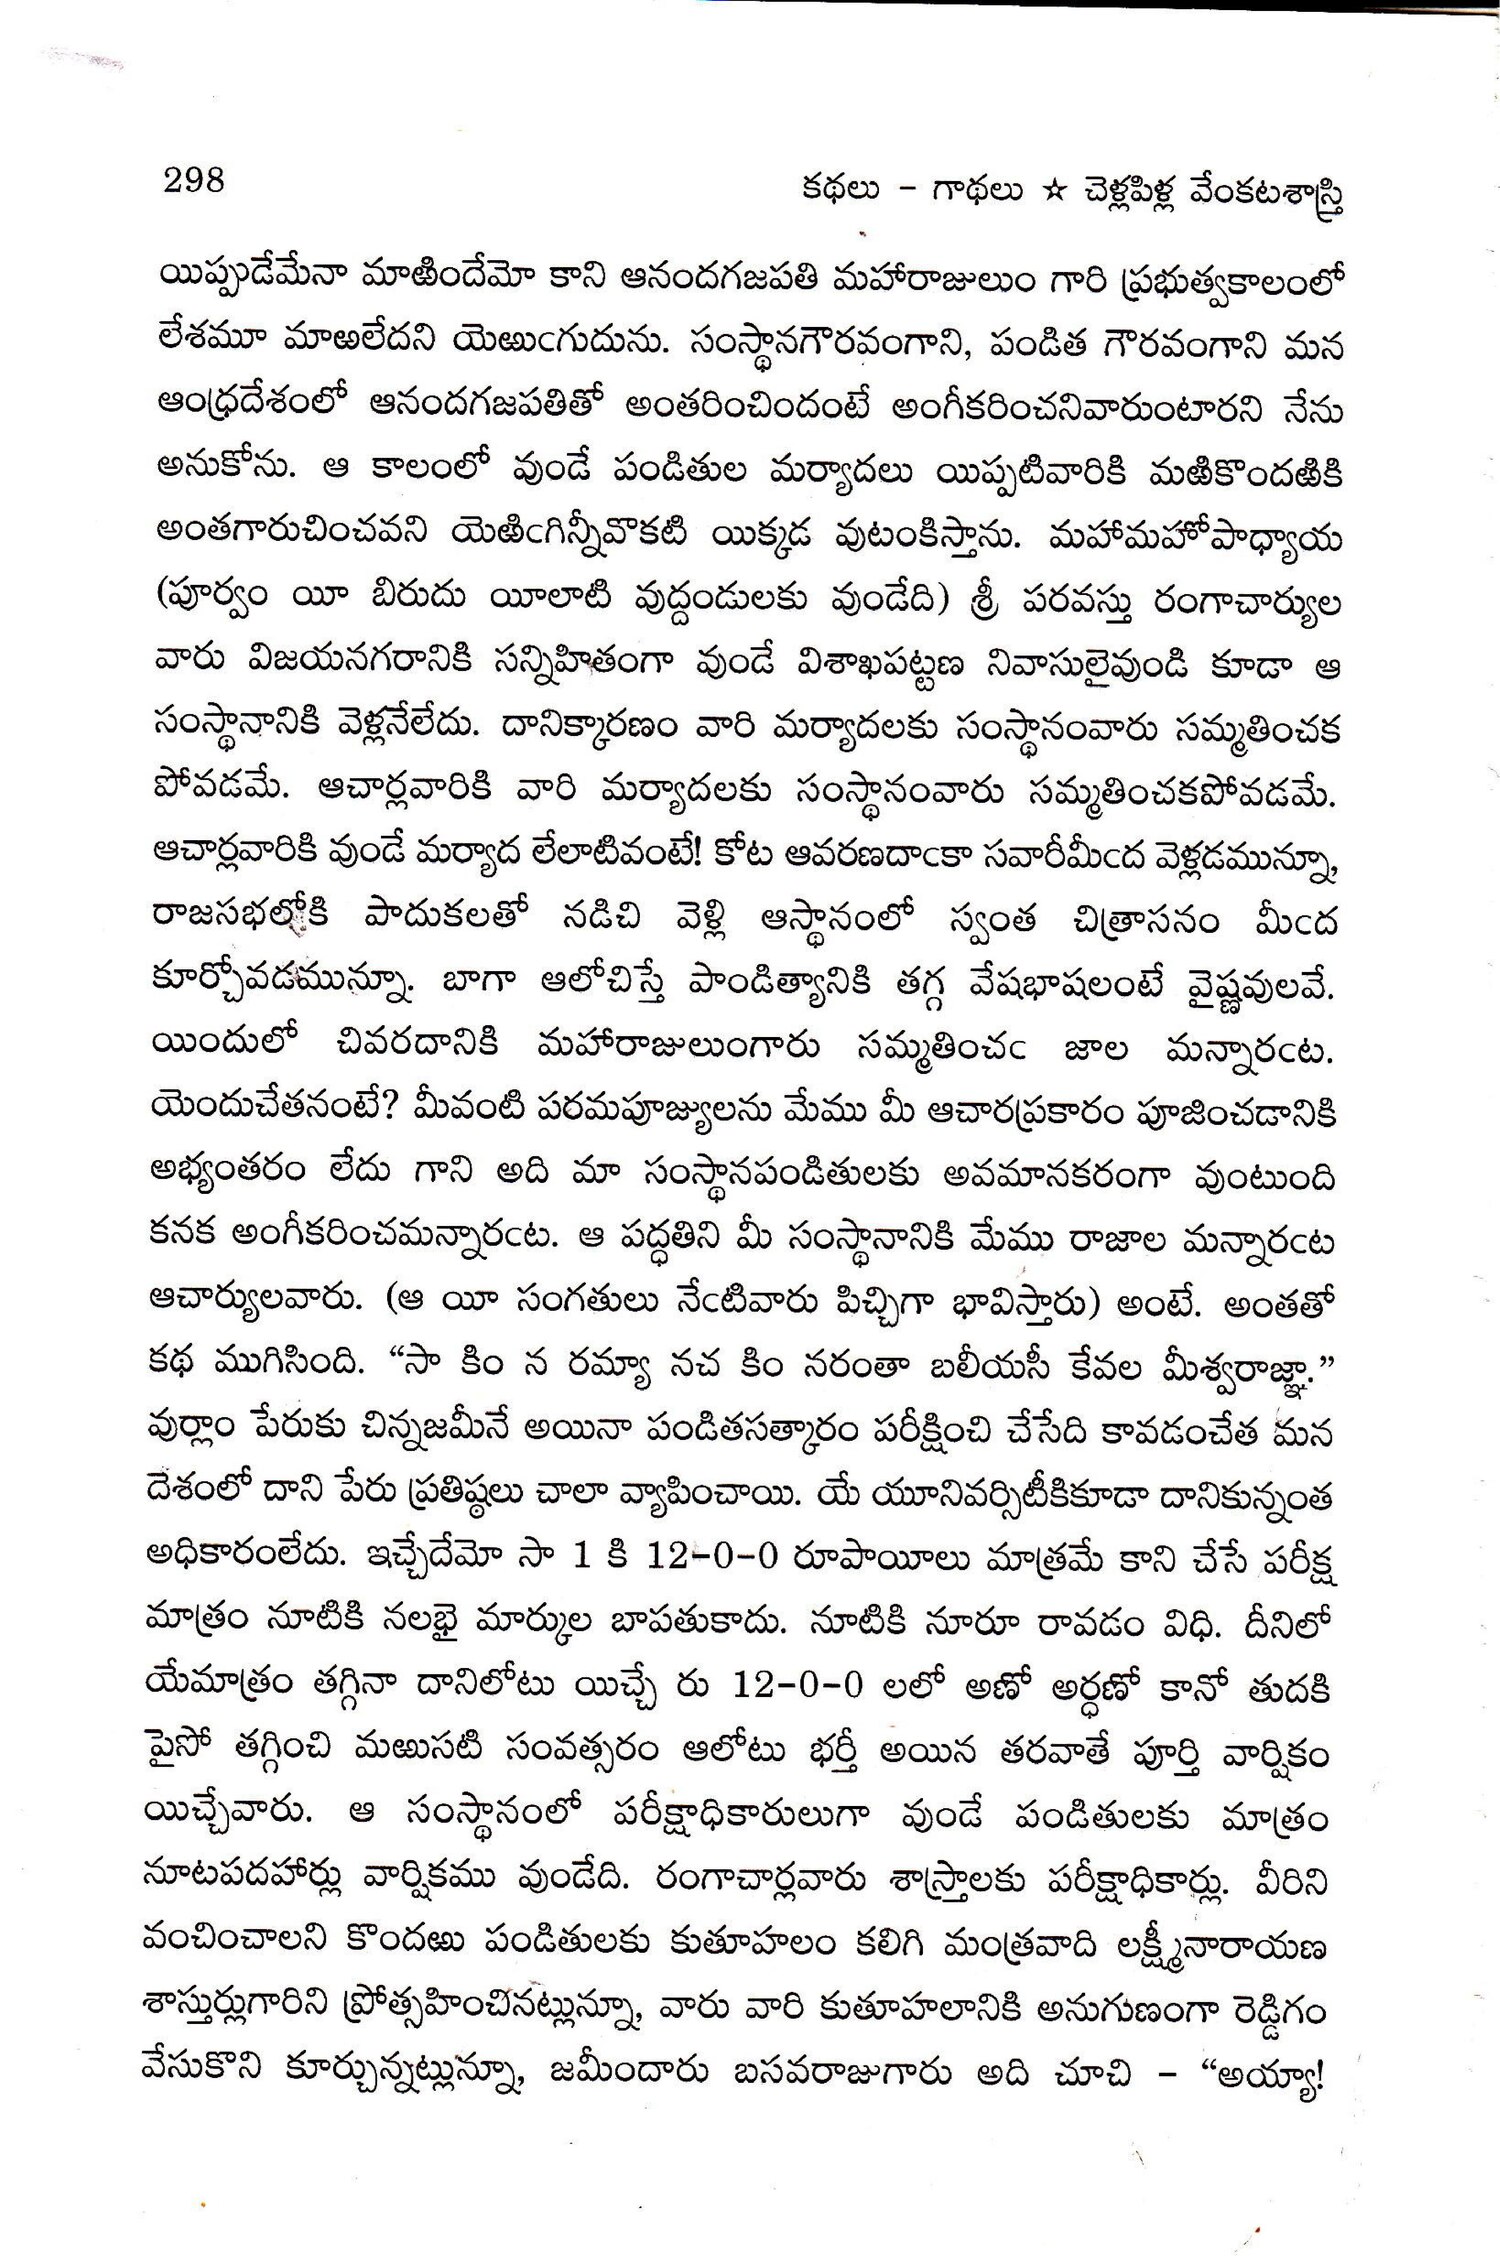యిప్పుడేమేనా మాఱిందేమో కాని ఆనందగజపతి మహారాజులుం గారి ప్రభుత్వకాలంలో లేశమూ మాఱలేదని యెఱుఁగుదును. సంస్థానగౌరవంగాని, పండిత గౌరవంగాని మన ఆంధ్రదేశంలో ఆనందగజపతితో అంతరించిందంటే అంగీకరించనివారుంటారని నేను అనుకోను. ఆ కాలంలో వుండే పండితుల మర్యాదలు యిప్పటివారికి మఱికొందఱికి అంతగారుచించవని యెఱిఁగిన్నీవొకటి యిక్కడ వుటంకిస్తాను. మహామహోపాధ్యాయ (పూర్వం యీ బిరుదు యీలాటి వుద్దండులకు వుండేది) శ్రీ పరవస్తు రంగాచార్యుల వారు విజయనగరానికి సన్నిహితంగా వుండే విశాఖపట్టణ నివాసులైవుండి కూడా ఆ సంస్థానానికి వెళ్లనేలేదు. దానిక్కారణం వారి మర్యాదలకు సంస్థానంవారు సమ్మతించక పోవడమే. ఆచార్లవారికి వారి మర్యాదలకు సంస్థానంవారు సమ్మతించకపోవడమే. ఆచార్లవారికి వుండే మర్యాద లేలాటివంటే! కోట ఆవరణదాఁకా సవారీమీఁద వెళ్లడమున్నూ రాజసభలోకి పాదుకలతో నడిచి వెళ్లి ఆస్థానంలో స్వంత చిత్రాసనం మీఁద కూర్చోవడమున్నూ. బాగా ఆలోచిస్తే పాండిత్యానికి తగ్గ వేషభాషలంటే వైష్ణవులవే. యిందులో చివరదానికి మహారాజులుంగారు సమ్మతించఁ జాల మన్నారఁట. యెందుచేతనంటే? మీవంటి పరమపూజ్యలను మేము మీ ఆచారప్రకారం పూజించడానికి అభ్యంతరం లేదు గాని అది మా సంస్థానపండితులకు అవమానకరంగా వుంటుంది కనక అంగీకరించమన్నారఁట. ఆ పద్ధతిని మీ సంస్థానానికి మేము రాజాల మన్నారఁట ఆచార్యులవారు. (ఆ యీ సంగతులు నేఁటివారు పిచ్చిగా భావిస్తారు) అంటే. అంతతో కథ ముగిసింది. "సా కిం న రమ్యా నచ కిం నరంతా బలీయసీ కేవల మీశ్వరాజ్ఞా" వుర్లాం పేరుకు చిన్నజమీనే అయినా పండితసత్కారం పరీక్షించి చేసేది కావడంచేత మన దేశంలో దాని పేరు ప్రతిష్ఠలు చాలా వ్యాపించాయి. యే యూనివర్సిటీకికూడా దానికున్నంత అధికారంలేదు. ఇచ్చేదేమో సా 1 కి 12-0-0 రూపాయిలు మాత్రమే కాని చేసే పరీక్ష మాత్రం నూటికి నలభై మార్కుల బాపతుకాదు. నూటికి నూరూ రావడం విధి. దీనిలో యేమాత్రం తగ్గినా దానిలోటు యిచ్చే రు 12-0-0 లలో అణో అర్ధణో కానో తుదకి పైసో తగ్గించి మఱుసటి సంవత్సరం ఆలోటు భర్తీ అయిన తరవాతే పూర్తి వార్షికం యిచ్చేవారు. ఆ సంస్థానంలో పరీక్షాధికారులుగా వుండే పండితులకు మాత్రం నూటపదహార్లు వార్షికము వుండేది. రంగాచార్లవారు శాస్త్రాలకు పరీక్షాధికార్లు. వీరిని వంచించాలని కొందఱు పండితులకు కుతూహలం కలిగి మంత్రవాది లక్ష్మీనారాయణ శాస్తుర్లుగారిని ప్రోత్సహించినట్లున్నూ, వారు వారి కుతూహలానికి అనుగుణంగా రెడ్డిగం వేసుకొని కూర్చున్నట్లున్నూ జమీందారు బసవరాజుగారు అది చూచి - "అయ్యా!